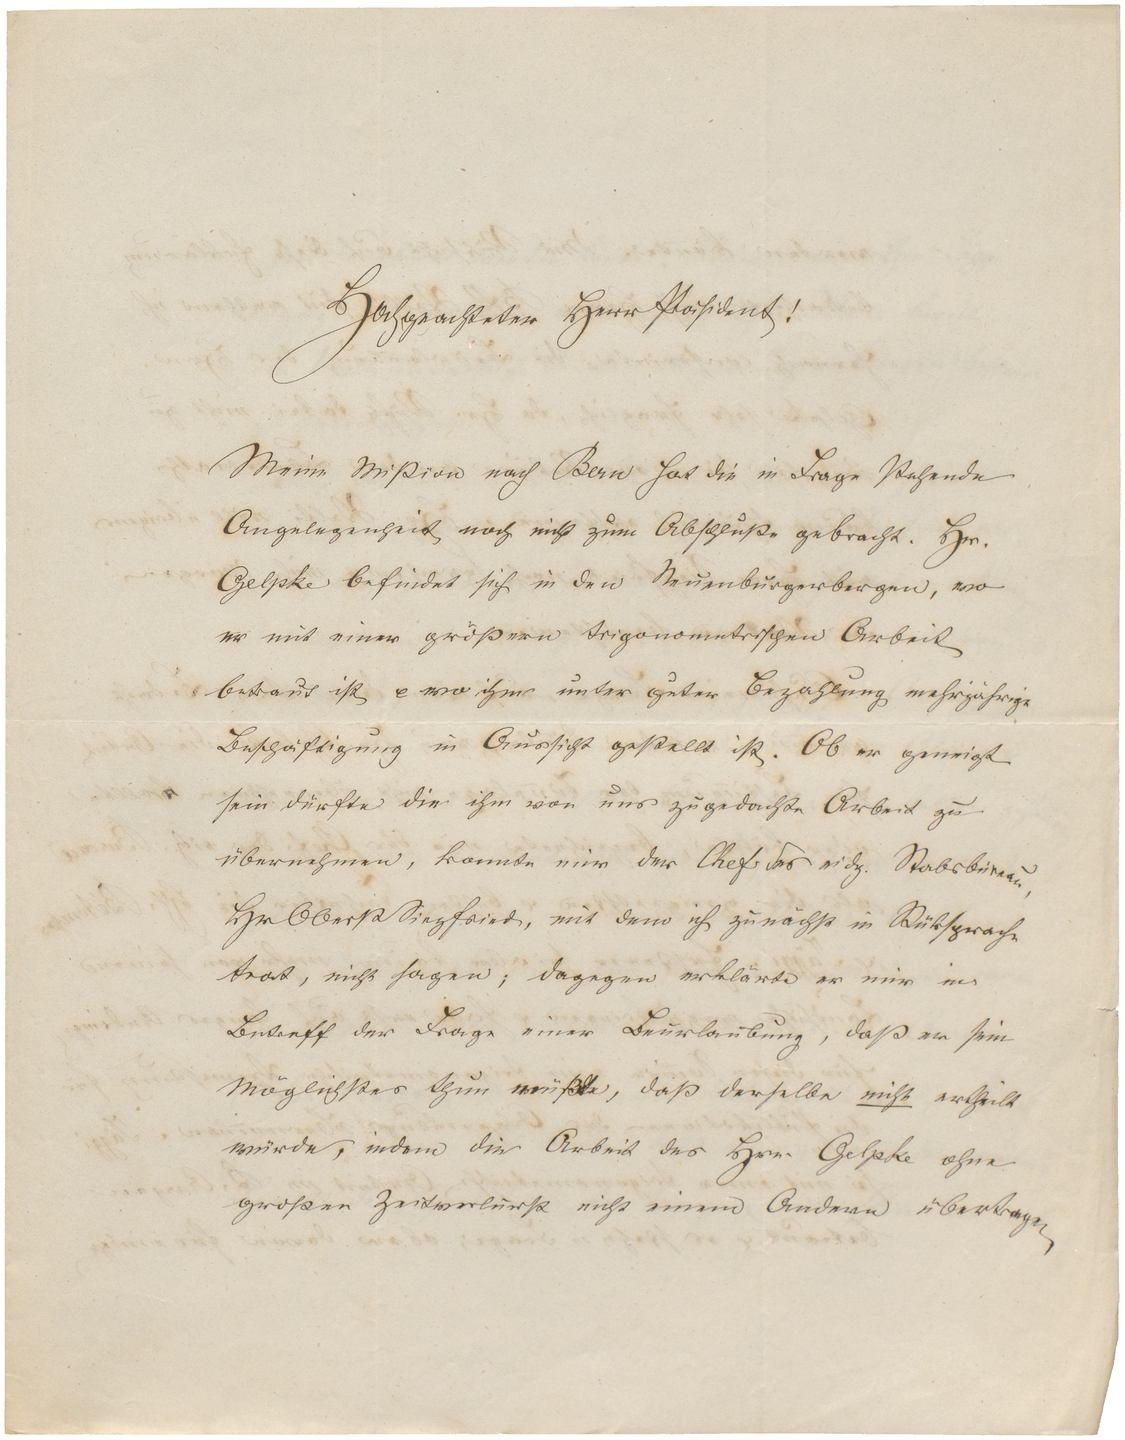Hochgeachteter Herr Präsident!
Meine Mißion nach Bern hat die in Frage stehende
Angelegenheit noch nicht zum Abschluße gebracht. Hr.
Gelpke befindet sich in den Neuenburgerbergen, wo
er mit einer größern trigonometrische Arbeit
betraut ist & wo ihm unter guter Bezahlung mehrjährige
Beschäftigung in Aussicht gestellt ist. Ob er geneigt
sein dürfte die ihm von uns zugedachte Arbeit zu
übernehmen, konnte mir der Chef des eidg. Stabsbureau,
Hr. Oberst Siegfried, mit dem ich zunächst in Rüksprache
trat, nicht sagen; dagegen erklärte er mir in
Betreff der Frage einer Beurlaubung, daß er sein
Möglichstes thun müßte, daß derselbe nicht ertheilt
würde, indem die Arbeit des Hrn. Gelpke ohne
großen Zeitverlust nicht einem Andern übertragen